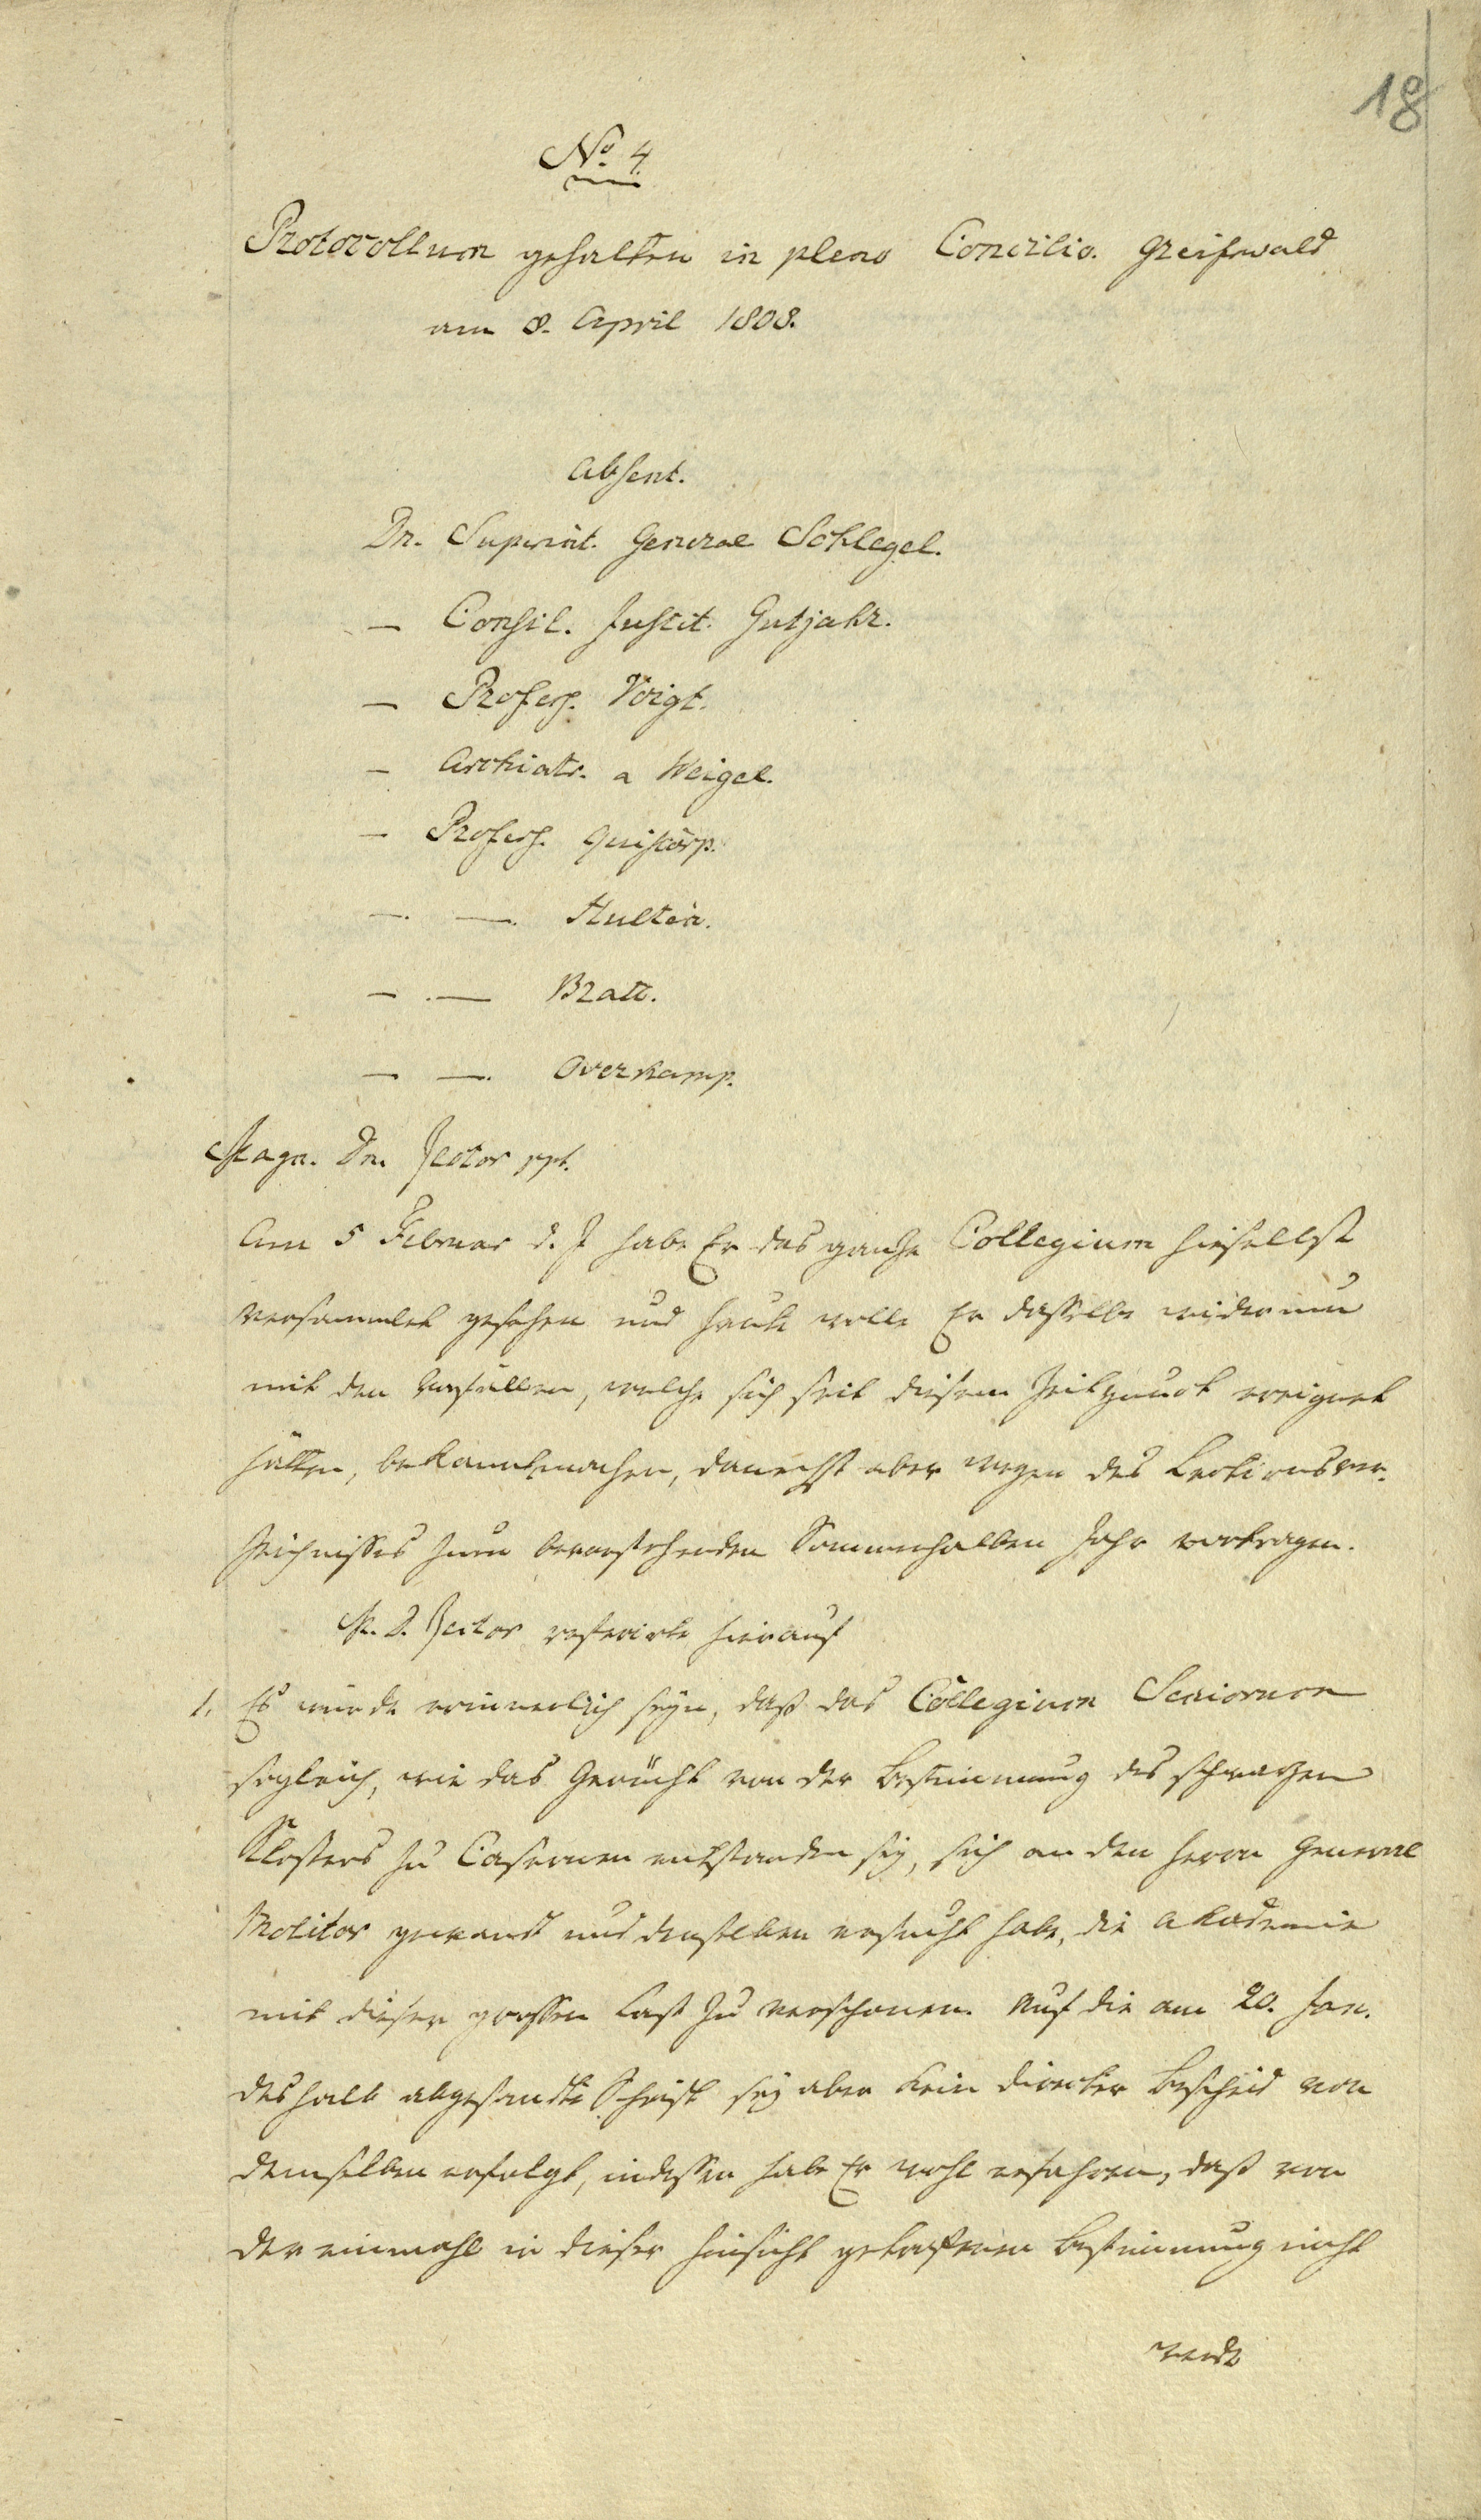No 4.
Protocollum gehalten in pleno Concilio Greifswald
am 8. April 1808.
Absent.
Dn. Superint. General Schlegel.
Consil. Justit. Gutjahr.
Prof. Voigt.
Archiatr. a Weigel.
Profess. Quistorp
Hultén.
Bratt.
Overkamp.
Magn. Dn. Rector ppt.
Am 5 Februar d. J. habe Er das ganze Collegium hieselbst
versammlet gesehen und heute wolle Er dasselbe wiederum
mit den Vorfällen, welche sich seit diesem Zeitpunct ereignet
hätten, bekanntmachen, danechst aber wegen des Lectionsver¬
zeichnisses zum bevorstehenden Sommerhalben Jahr vortragen.
M. D. Rector referirte hierauf
1. Es würde erinnerlich seÿn, daß das Collegium Seniorum
sogleich, wie das Gerücht von der Bestimmung des schwarzen
Klosters zu Casernen entstanden seÿ, sich an den Herrn General
Molitor gewandt und denselben ersucht habe, die Akademie
mit dieser grossen Last zu verschonen. Auf die am 20. Jan.
deshalb abgesandte Schrift seÿ aber kein directer Bescheid von
demselben erfolgt, indessen habe Er wohl erfahren, daß von
der einmahl in dieser Hinsicht getroffenen Bestimmung nicht
würde